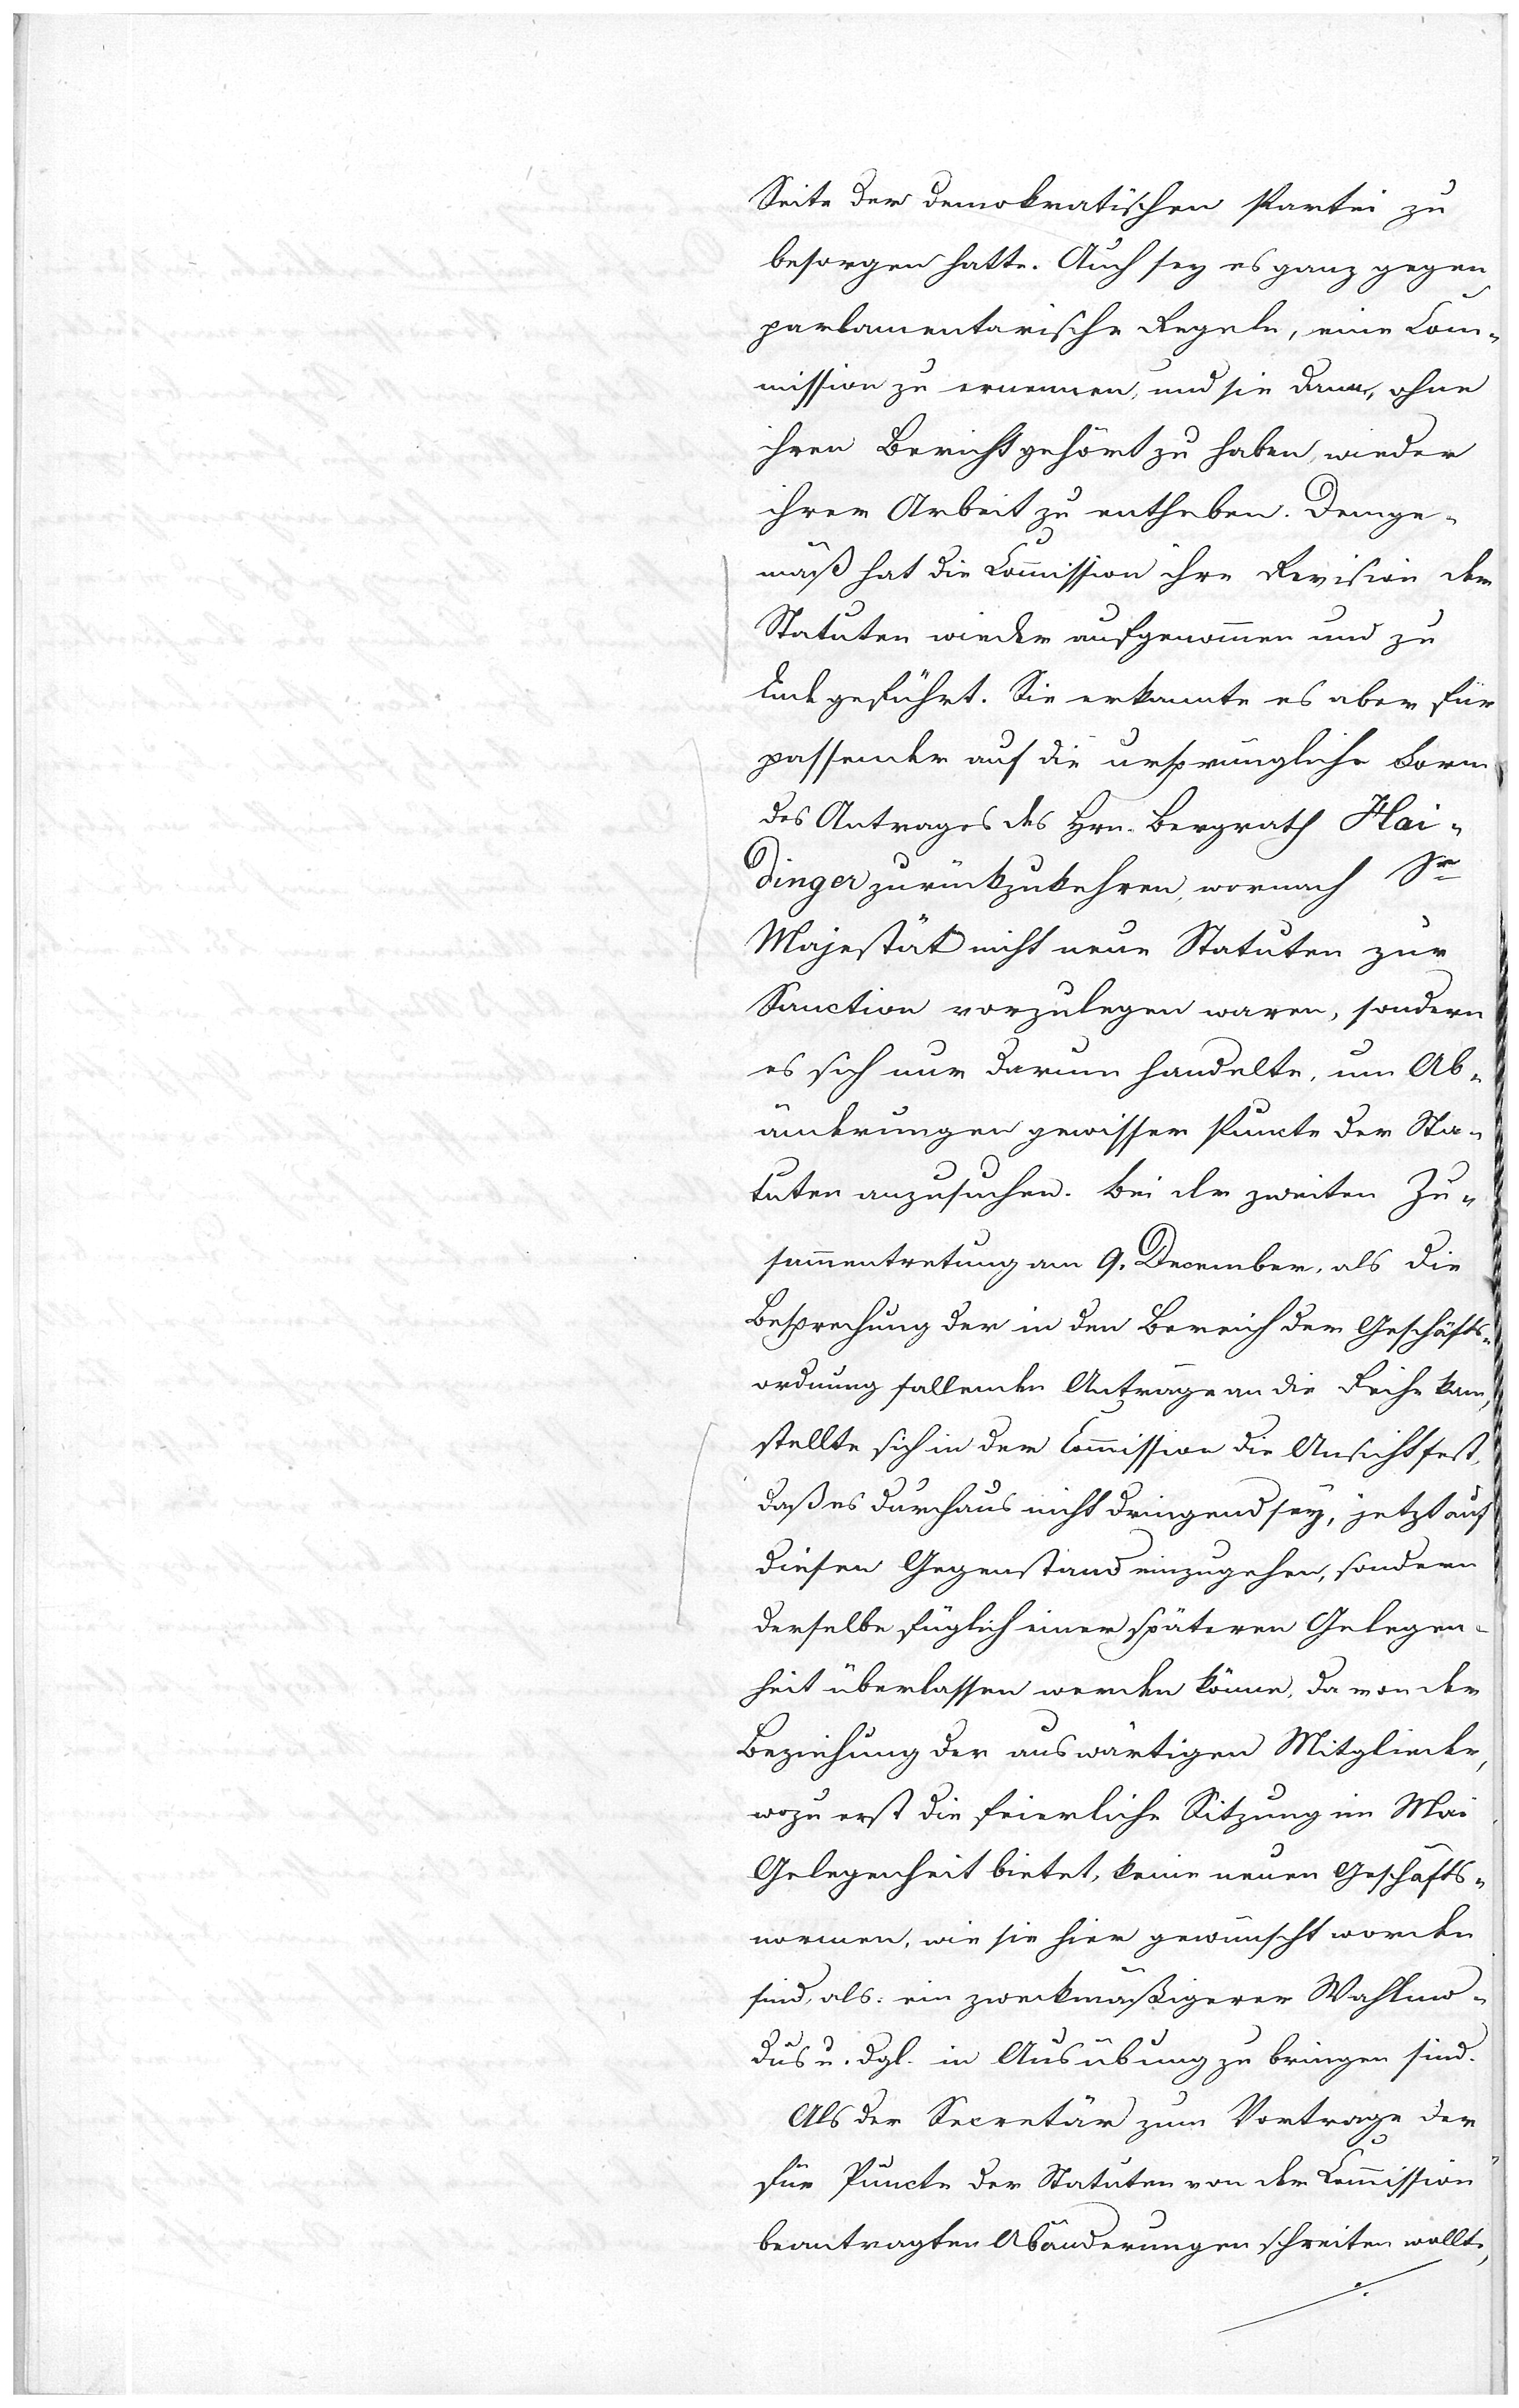Seite der demokratischen Partei zu
besorgen hatte. Auch sey es ganz gegen
parlamentarische Regeln, eine Com-
mission zu ernennen, und sie dann, ohne
ihren Bericht gehört zu haben, wieder
ihrer Arbeit zu entheben. Demge-
mäß hat die Commission ihre Revision der
Statuten wieder aufgenommen und zu
Ende geführt. Sie erkannte es aber für
passender auf die urspüngliche Form
des Antrage des Hrn. Bergrath Hai-
dinger zurückzukehren, wornach Sr
Majestät nicht neue Statuten zur
Sanction vorzulegen waren, sondern
es sich nur darum handelte, um Ab-
änderungen gewisser Puncte der Sta-
tuten anzusuchen. Bei der zweiten Zu-
sammentretung am 9. December, als die
Besprechung der in den Bereich der Geschäfts-
ordnung fallenden Anträge an die Reihe kam,
stellte sich in der Commission die Ansicht fest,
daß es durchaus nicht dringend sey, jetzt auf
diesen Gegenstand einzugehen, sondern
derselbe füglich einer späteren Gelegen-
heit überlassen werden könne, da von der
Beziehung der auswärtigen Mitglieder,
wozu erst die Feierliche Sitzung im Mai
Gelegenheit bietet, keine neuen Geschäfts-
normen, wie sie hier gewünscht worden
sind, als ein zweckmäßigerer Wahlmo-
dus u. dgl. in Ausübung zu bringen sind.
Als der Secretär zum Vortrage der
für Puncte der Statuten von der Commission
beantragten Abänderungen schreiten wollte,